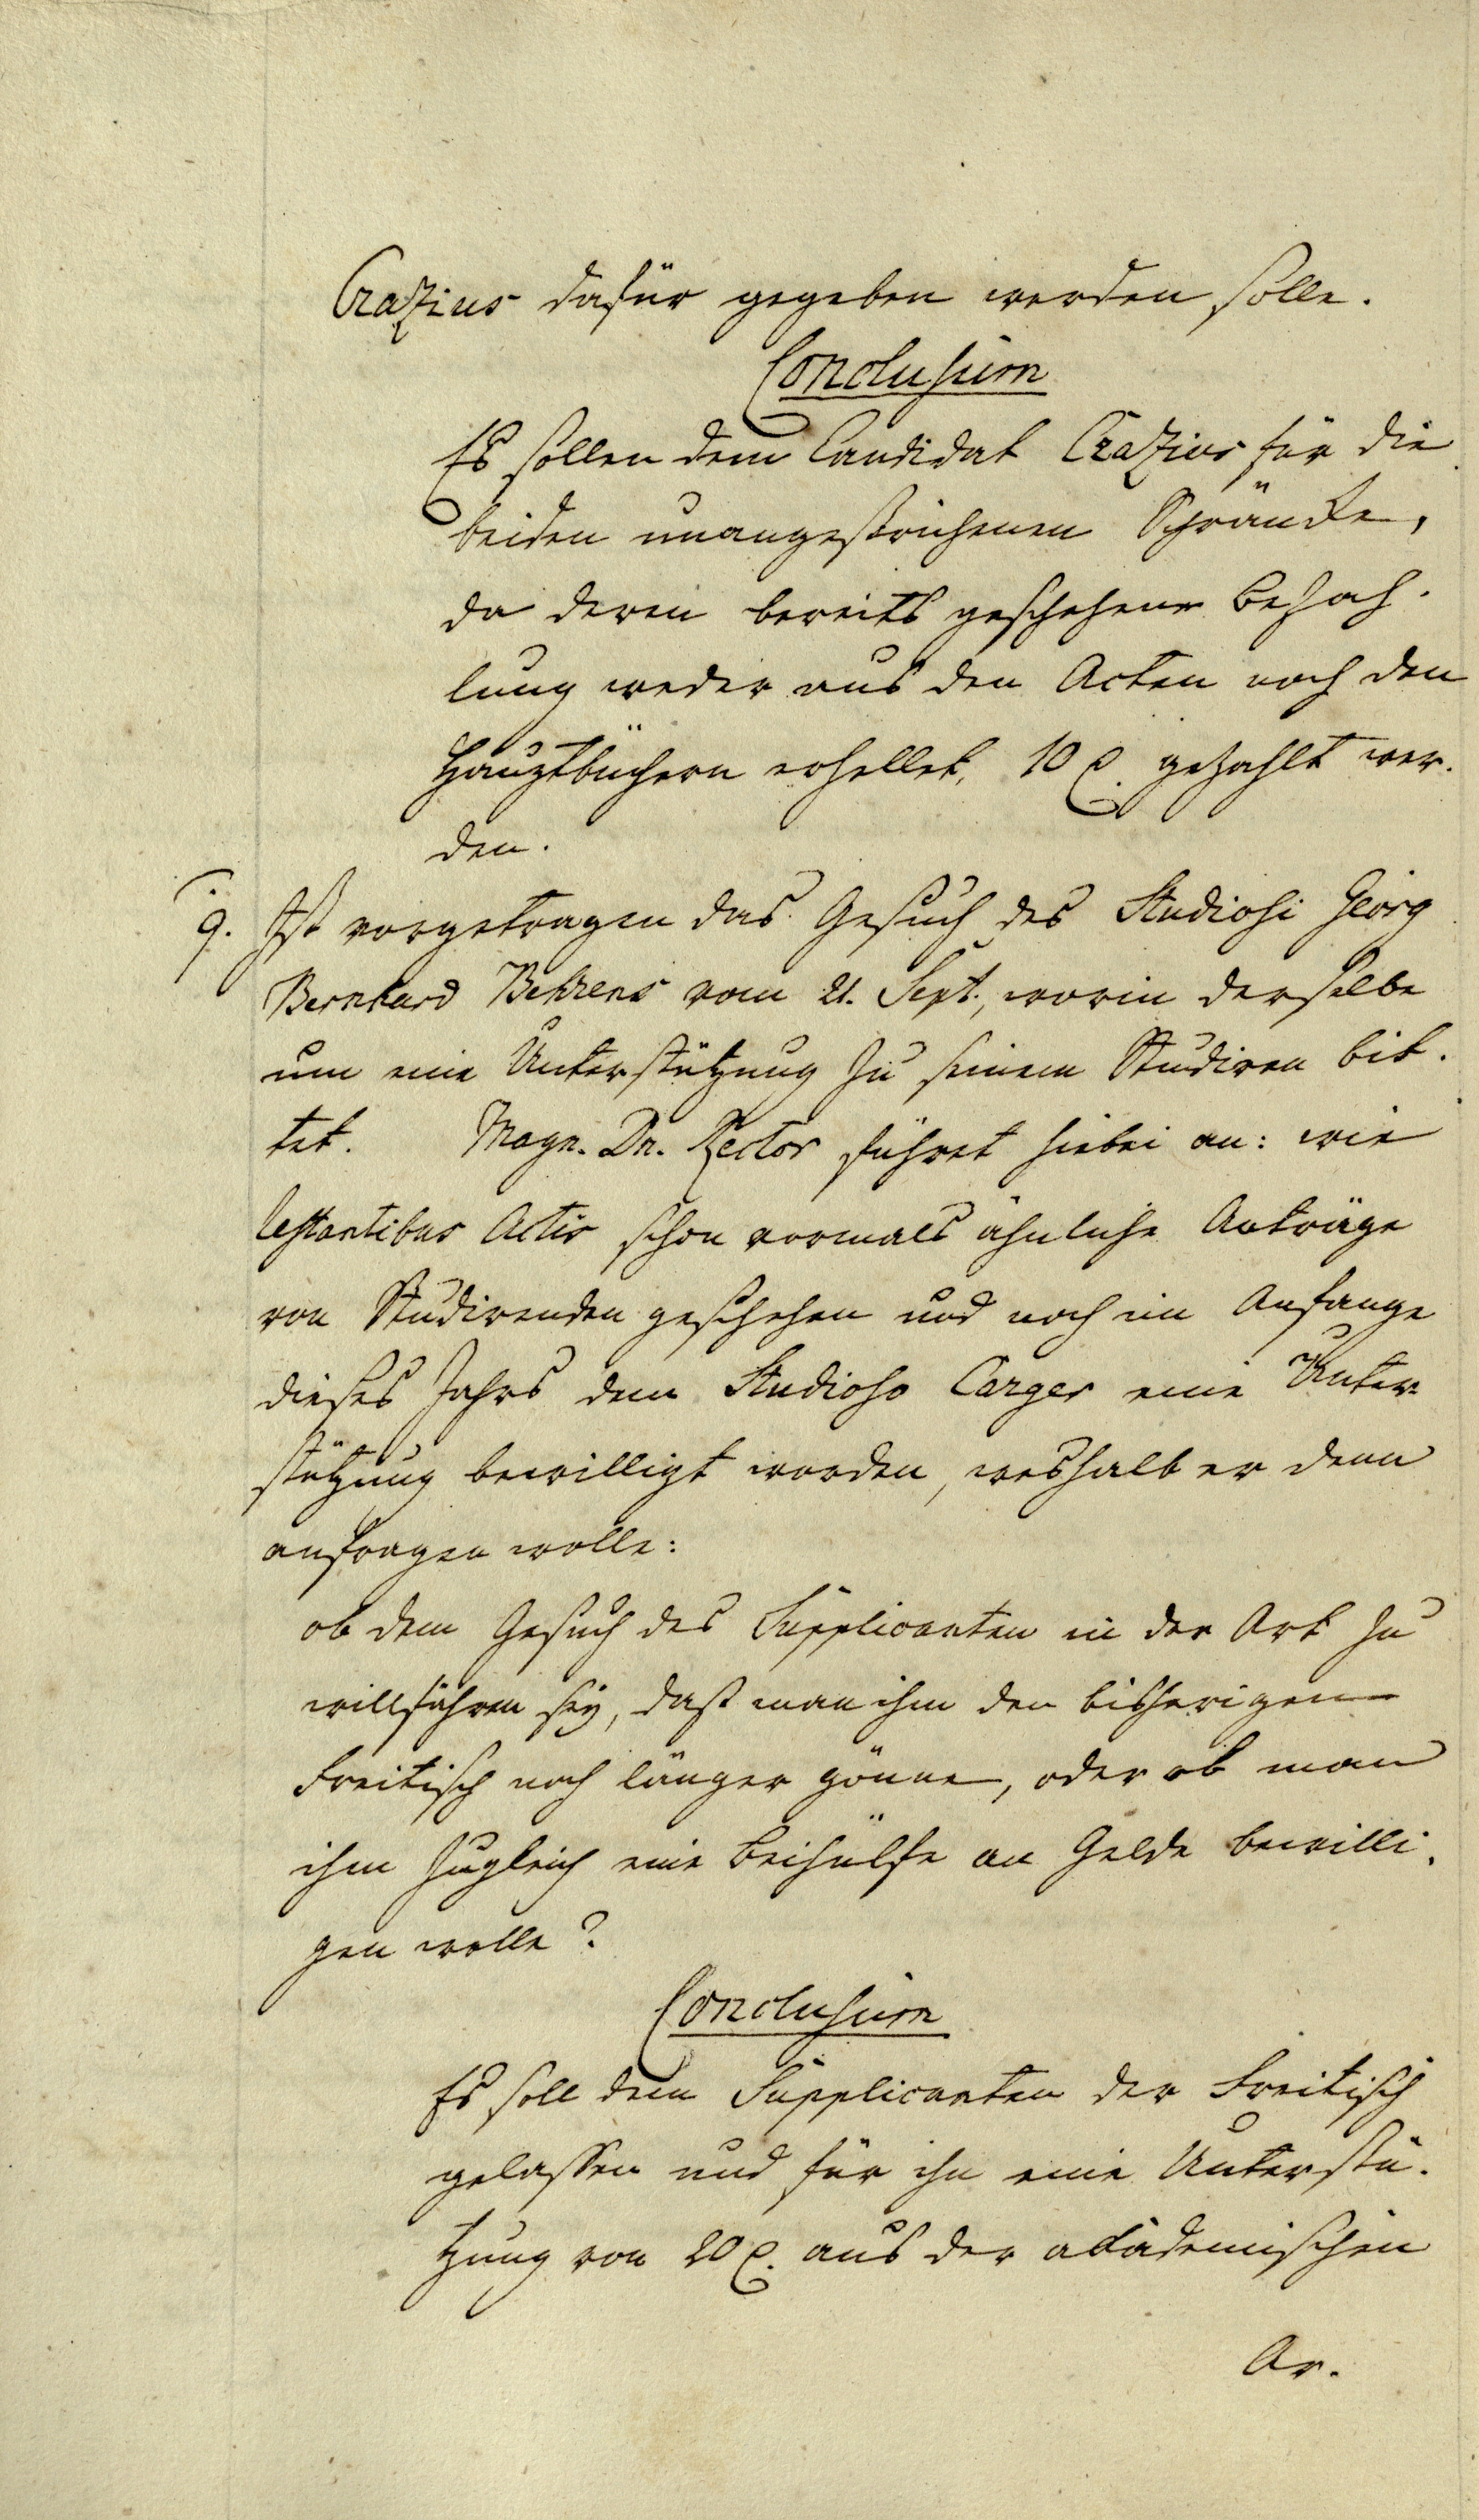Crazius dafür gegeben werden solle.
Conclusum
Es sollen dem Candidat Crazius für die
beiden unangestrichenen Schräncke,
da deren bereits geschehene Bezah¬
lung weder aus den Acten noch den
Hauptbüchern erhellet, 10 l. gezahlt wer¬
den.
9. Ist vorgetragen das Gesuch des Studiosi Georg
Bernhard Behrens vom 21. Sept., worin derselbe
um eine Unterstützung zu seinem Studiren bit¬
tet. Magn. Dn. Rector führet hiebei an: wie
testantibus Actis schon vormals ähnliche Anträge
von Studirenden geschehen und noch im Anfange
dieses Jahres dem Studioso Carger eine Unter¬
stützung bewilligt worden, weshalb er denn
anfragen wolle:
ob dem Gesuch des Supplicanten in der Art zu
willfahren seÿ, daß man ihm den bisherigen
Freitisch noch länger gönne, oder ob man
ihm zugleich eine Beihülfe an Gelde bewilli¬
gen wolle?
Conclusum
Es soll dem Supplicanten der Freitisch
gelassen und für ihn eine Unterstü¬
tzung von 20 l. aus der akademischen
Ar¬